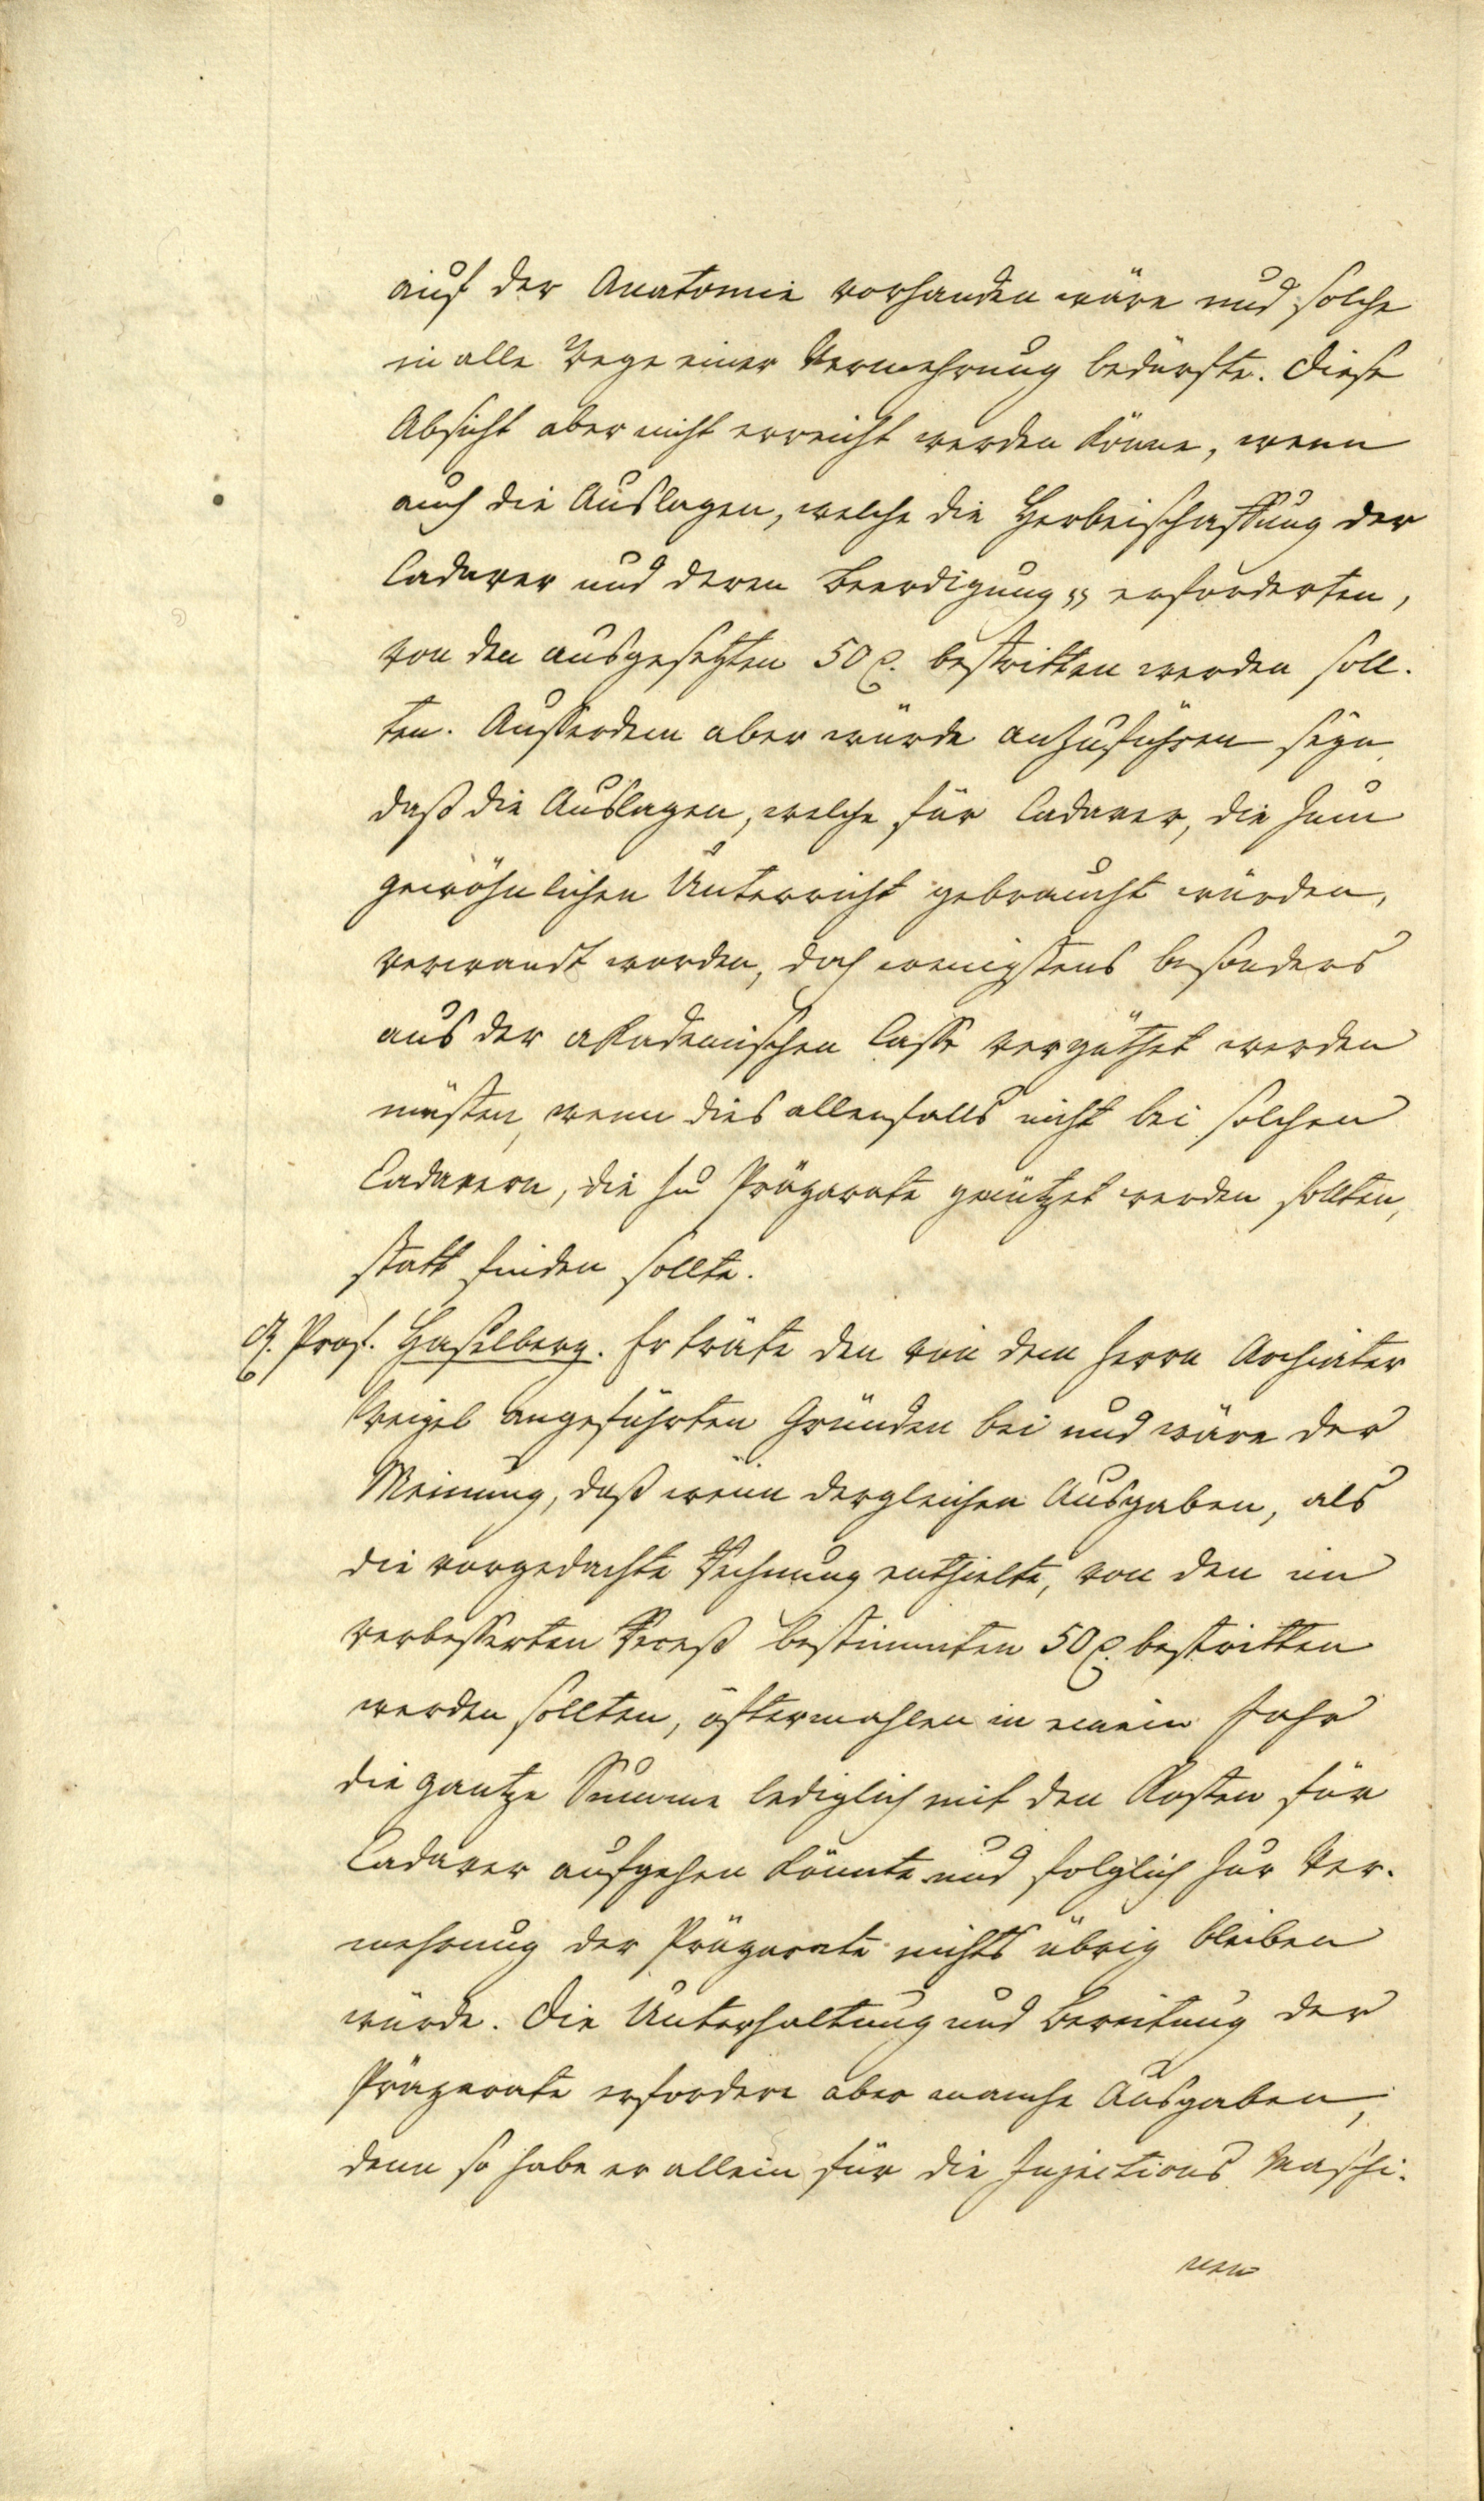auf der Anatomie vorhanden wäre und solche
in alle Wege einer Vermehrung bedürfte. Diese
Absicht aber nicht erreicht werden könne, wenn
auch die Auslagen, welche die Herbeschaffung der
Cadaver und deren Beerdigung ,, erforderten,
von den ausgesetzten 50 l. bestritten werden soll¬
ten. Außerdem aber würde anzuführen seÿn,
daß die Auslagen, welche für Cadaver, die zum
gewöhnlichen Unterricht gebraucht würden,
verwandt werden, doch wenigstens besonders
aus der akademischen Casse vergüthet werden
müsten, wenn dies allenfalls nicht bei solchen
Cadavern, die zu Präparate genützet werden sollten,
statt finden sollte.
dh. Prof. Haselberg. Er träte den von dem herrn Archiater
Weigel angeführten Gründen bei und wäre der
Meinung, daß wenn dergleichen Ausgaben, als
die vorgedachte Rechnung enthielte, von den im
verbesserten Receß bestimmten 50 l. bestritten
werden sollten, öftermahlen in einem Jahr
die gantze Summe lediglich mit den Kosten für
Cadaver aufgehen könnte und folglich zur Ver¬
mehrung der Präparate nichts übrig bleiben
würde. Die Unterhaltung und Bereitung der
Präparate erfordere aber manche Ausgaben,
denn so habe er allein für die Injections Maschi¬
ne